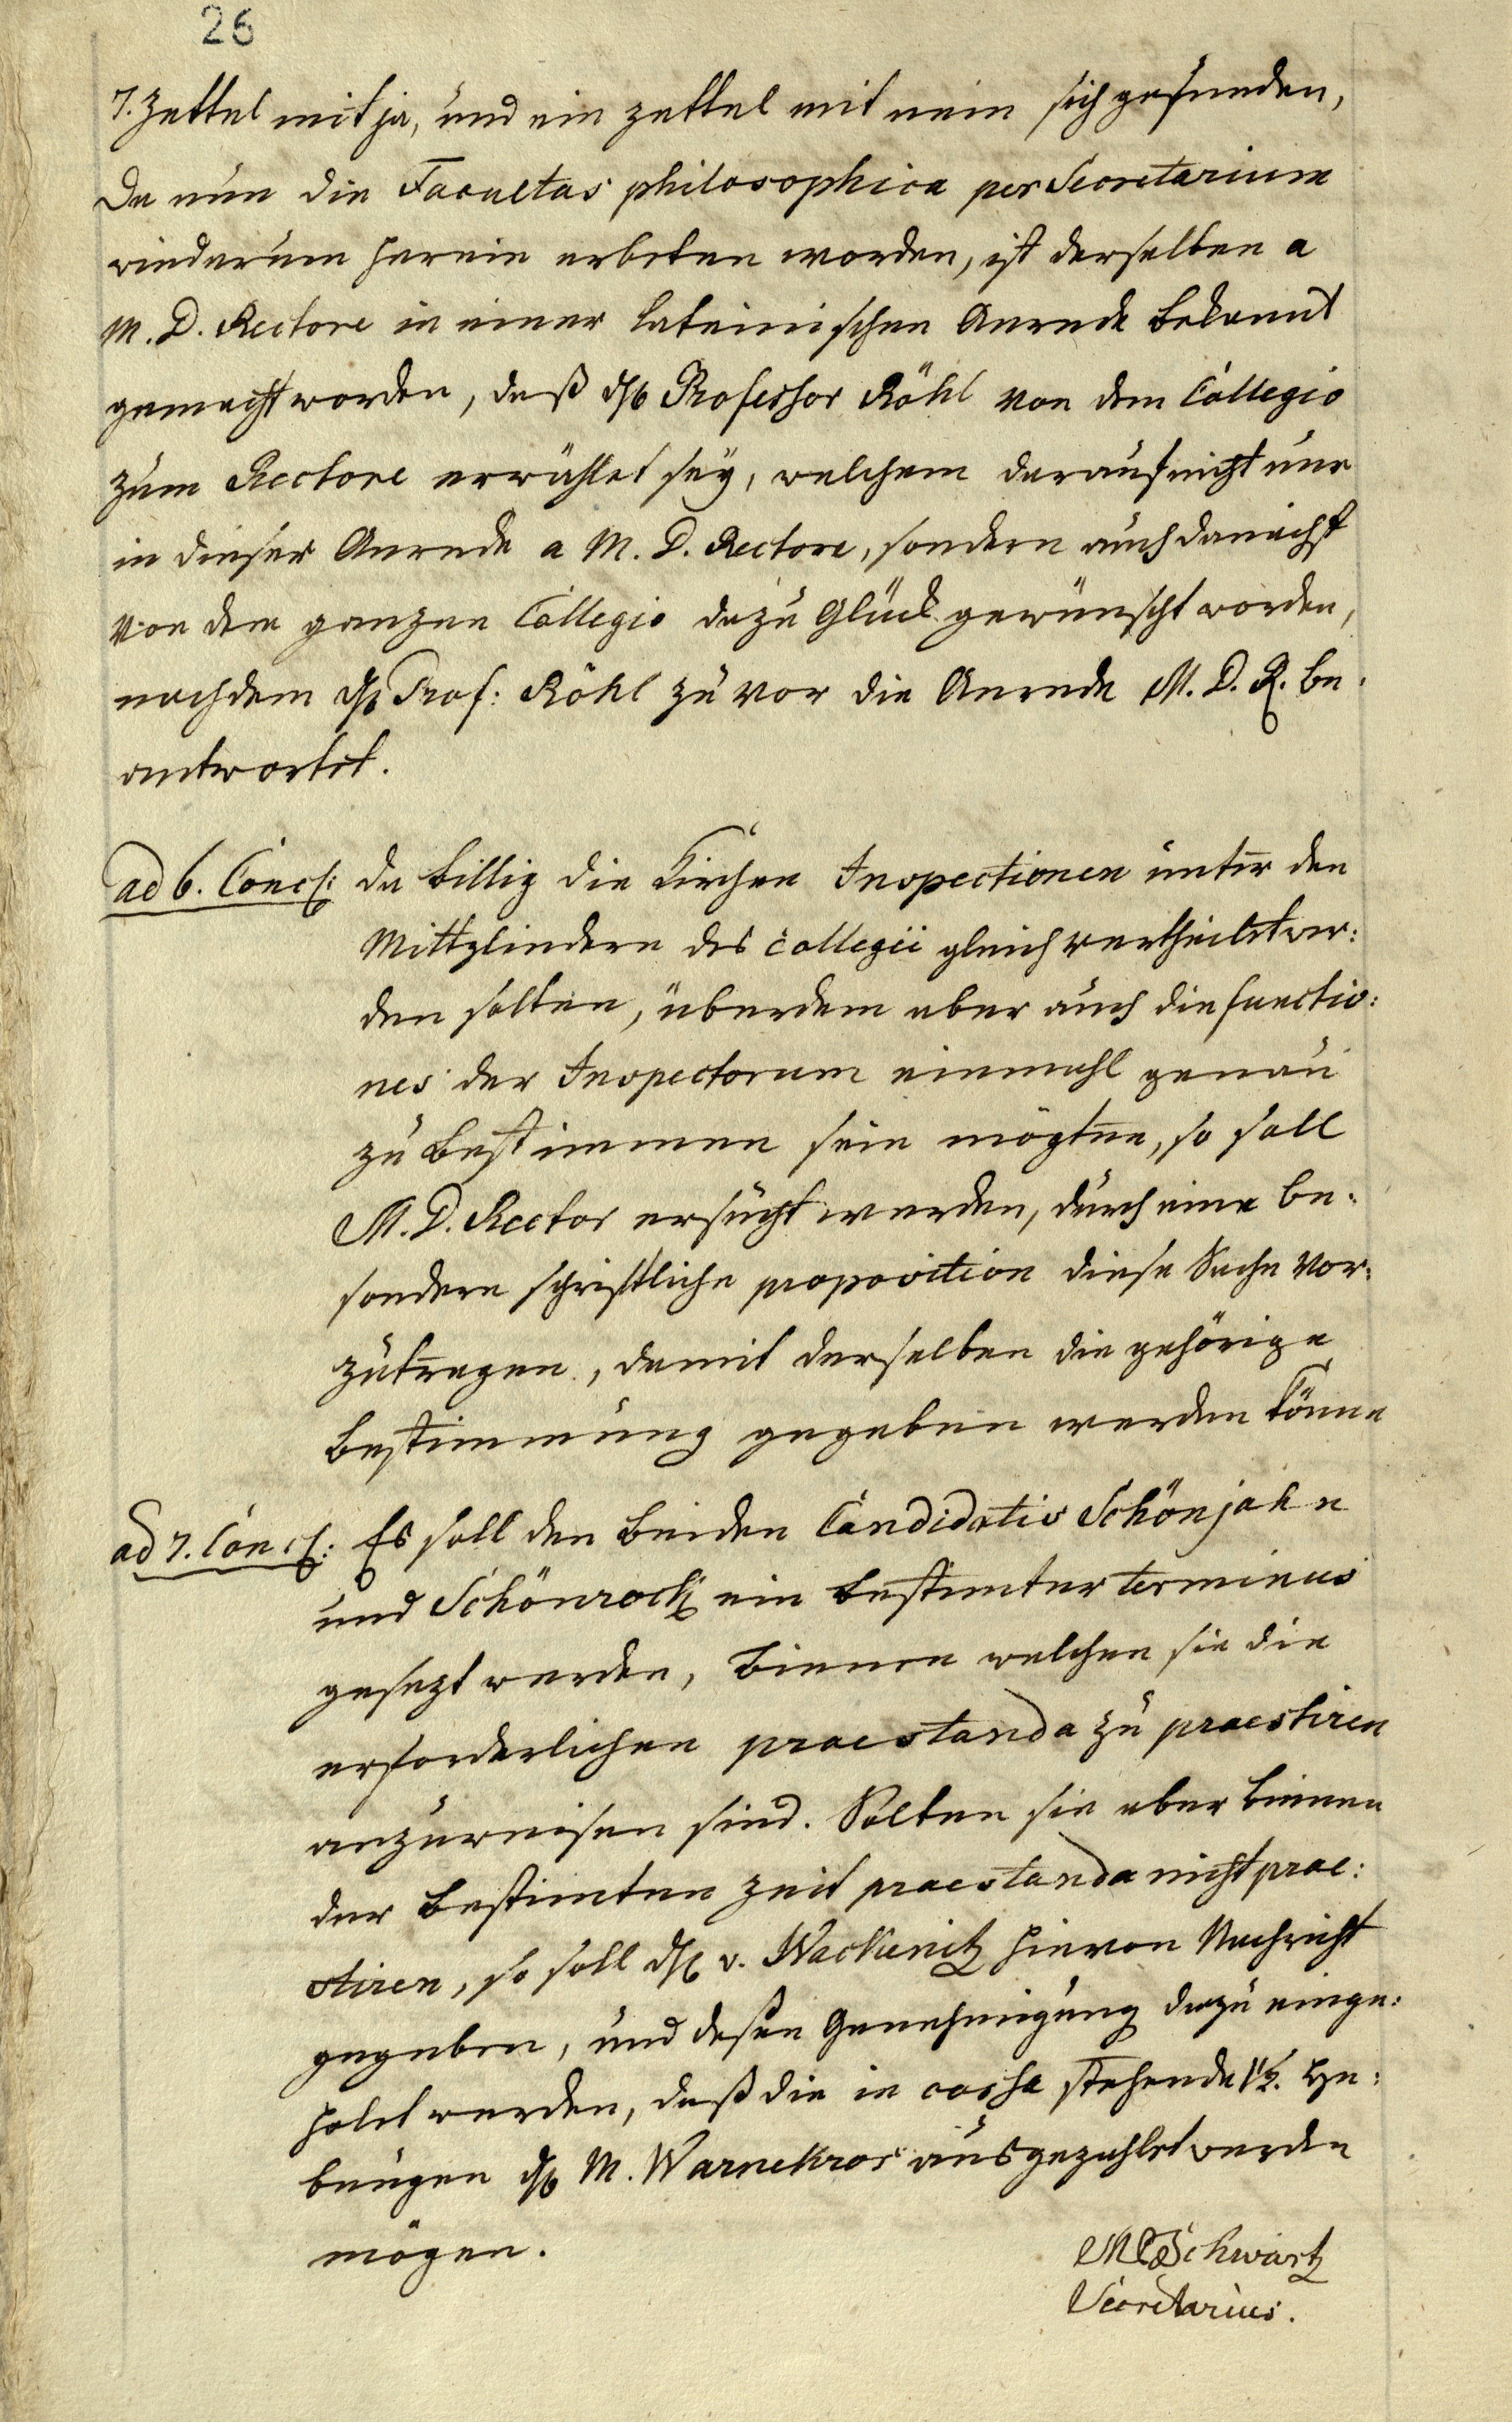7. Zettel mit ja, und ein Zettel mit nein sich gefunden,
Da nun die Facultas philosophica per Secretarium
wiedrum herein erbeten worden, ist derselben a
M. D. Rectore in einer lateinischen Anrede bekannt
gemacht worden, daß dh Professor Röhl von dem Collegio
zum Rectore erwählet seÿ, welchem darauf nicht nur
in dieser Anrede a. M. D. Rectore, sondern auch danächst
von dem ganzen Collegio dazu Glück gewünscht worden,
nachdem dh Prof. Röhl zuvor die Anrede M. D. R. be¬
antwortet.
ad 6. Concl. Da billig die Kirchen Inspectionen unter den
Mitgliedern des collegii gleich vertheilet wer¬
den solten, überdem aber auch die functio¬
nes der Inspectorum einmahl genau
zu bestimmen sein mögten, so soll
M. D. Rector ersucht werden, durch eine be¬
sondere schriftliche proposition diese Sache vor¬
zutragen, damit derselben die gehörige
Bestimmung gegeben werden könne.
Concl. Es soll den beiden Candidatis Schönjahn
und Schönrock ein bestimter terminus
gesezt werden, binnen welchen sie die
erforderlichen praestanda zu praestiren
anzuweisen sind. Solten sie aber binnen
der bestimten Zeit praestanda nicht prae¬
stiren, so soll dh v. Wackenitz hievon Nachricht
gegeben, und deßen Genehmigung dazu einge¬
holet werden, daß die in cassa stehende 1½ . He¬
bungen dh M. Warnekros ausgezahlet werden
mögen. MC Schwartz
Secretarius